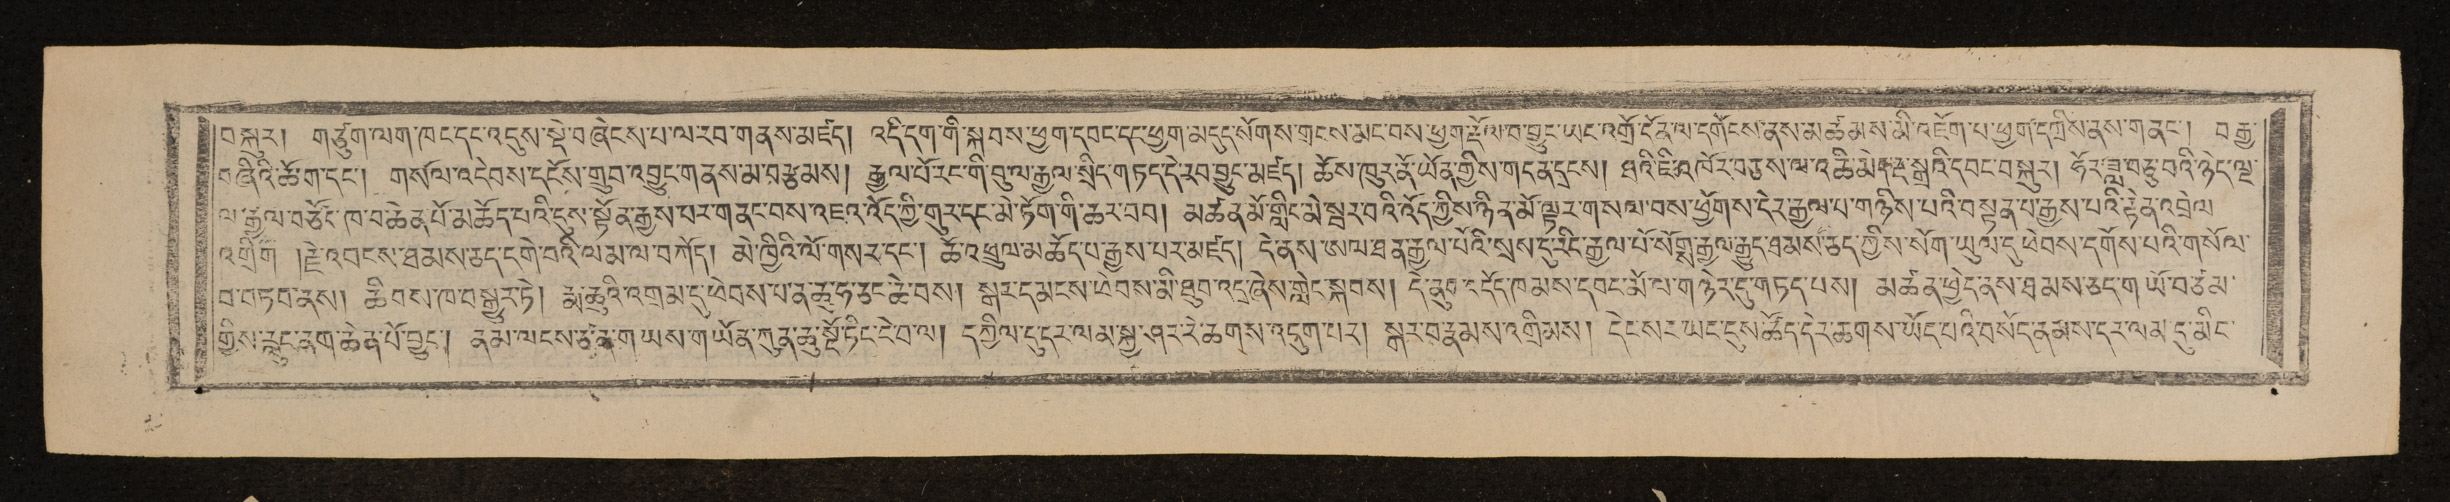བསྐུར། གཙུག་ལག་ཁང་དང་འདུས་སྡེ་བཞེངས་པ་ལ་རབ་གནས་མཛད། འདི་དག་གི་སྐབས་ཕྱག་དབང་དང་ཕྱག་མདུད་སོགས་གྲངས་མང་བས་ཕྱག་རྡོལ་བ་བྱུང་ཡང་འགྲོ་དོན་ལ་དགོངས་ནས་མཚམས་མི་འཇོག་པ་ཕྱག་དཀྲིས་ནས་གནང་། བརྒྱ་
བཞིའི་ཆོ་ག་དང་། གསོལ་འདེབས་དངོས་གྲུབ་འབྱུང་གནས་མ་བརྩམས། རྒྱལ་པོ་རང་གི་བུ་ལ་རྒྱལ་སྲིད་གཏད་དེ་རབ་བྱུང་མཛད། ཆོས་ཁུར་ནོ་ཡོན་གྱིས་གདན་དྲངས། ཐའི་ཇི་འཁོར་བཅས་ལ་འཆི་མེད་རྔ་སྒྲའི་དབང་བསྐུར། ཧོར་ཟླ་བཅུ་པའི་ཉེར་ལྔ་
ལ་རྒྱལ་བ་ཙོང་ཁ་པ་ཆེན་པོ་མཆོད་པའི་དུས་སྟོན་རྒྱས་པར་གནང་བས་འཇའ་འོད་ཀྱི་གུར་དང་མེ་ཏོག་གི་ཆར་བབ། མཚན་མོ་གླིང་མེ་སྦར་བའི་འོད་ཀྱིས་ཉིན་མོ་ལྟར་གསལ་བས་ཕྱོགས་དེར་རྒྱལ་བ་གཉིས་པའི་བསྟན་པ་རྒྱས་པའི་རྟེན་འབྲེལ་
འགྲིག །རྗེ་འབངས་ཐམས་ཅད་དགེ་བའི་ལམ་ལ་བཀོད། མེ་ཁྱིའི་ལོ་གསར་དང་། ཆོ་འཕྲུལ་མཆོད་པ་རྒྱས་པར་མཛད། དེ་ནས་ཨལ་ཐན་རྒྱལ་པོའི་སྲས་དུ་རིང་རྒྱལ་པོ་སོགས་རྒྱལ་རྒྱུད་ཐམས་ཅད་ཀྱིས་སོག་ཡུལ་དུ་ཕེབས་དགོས་པའི་གསོལ་
བ་བཏབ་ནས། ཆིབས་ཁ་བསྒྱུར་ཏེ། རྨ་ཆུའི་འགྲམ་དུ་ཕེབས་པ་ན་ཆུ་ཧ་ཅང་ཆེ་བས། སྒར་དམངས་ཕེབས་མི་ཐུབ་འདྲ་ཞེས་གླེང་སྐབས། དེ་ནུབ་འདོད་ཁམས་དབང་མོ་ལ་གཉེར་དུ་གཏད་པས། མཚན་ཕྱེད་ནས་ཐམས་ཅད་གཡོམ་
གྱིས་རླུང་ནག་ཆེན་པོ་བྱུང་། ནམ་ལངས་ཙན་གཡས་གཡོན་ཀུན་ཆུ་སྔོ་ཏིང་ངེ་བ་ལ། དཀྱིལ་དུ་དར་ལམ་སྐྱ་ཤར་རེ་ཆགས་འདུག་པར། སྒར་བ་རྣམས་འགྲིམས། དེང་སང་ཡང་དུས་ཚོད་དེར་ཆགས་ཡོད་པའི་བསོད་ནམས་དེར་ལམ་དུ་མང་